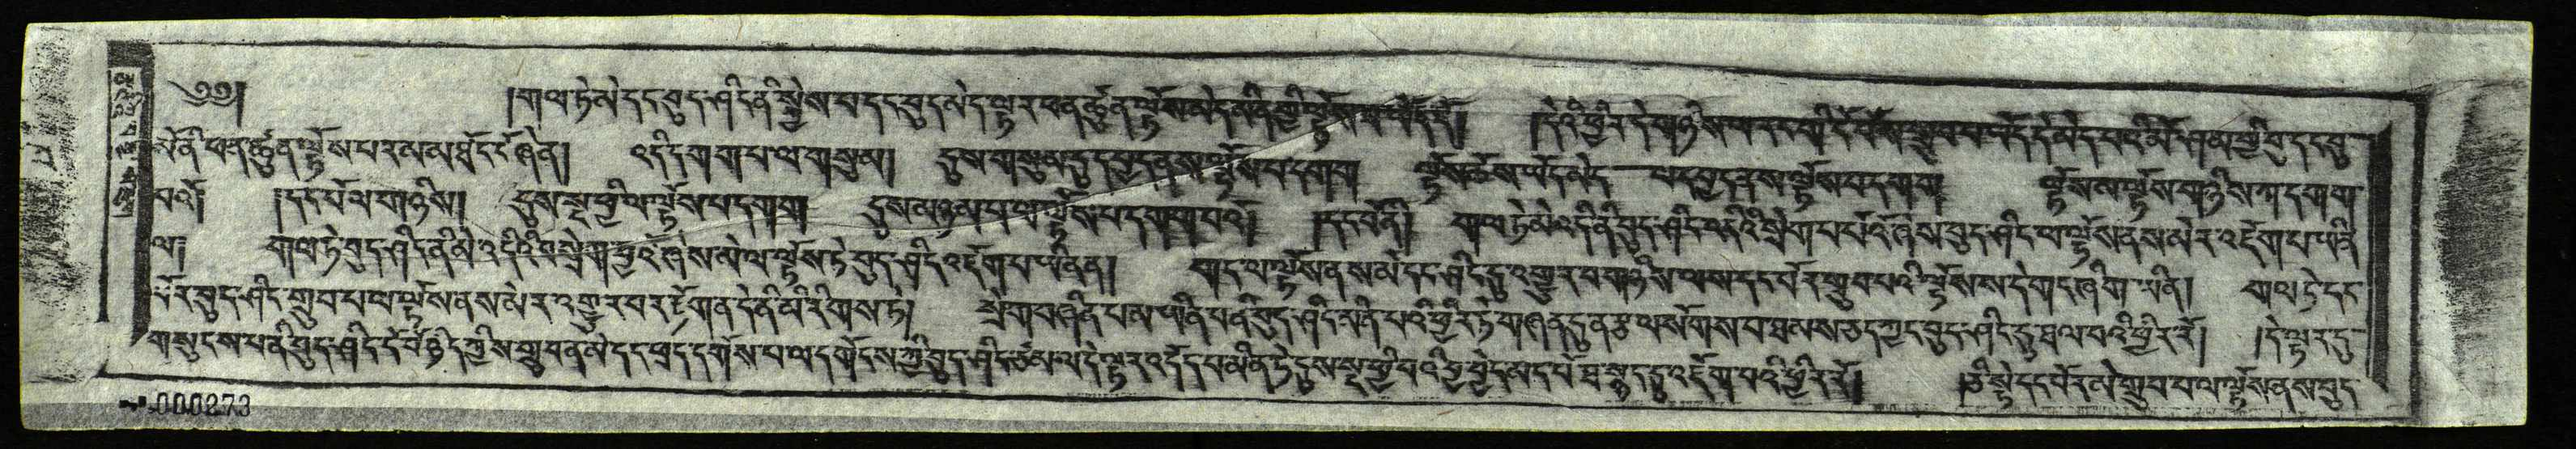༄༅། །གལ་ཏེ་མེ་དང་བུད་ཤིང་ནི་སྐྱེས་པ་དང་བུད་མེད་ལྟར་ཕན་ཚུན་ལྟོས་མེད་མིན་གྱི་ལྟོས་པ་ཡོད་དོ། །དེའི་ཕྱིར་དེ་གཉིས་ལ་རང་གི་ངོ་བོས་གྲུབ་པ་ཡོད་དེ་མེད་པའི་མོ་ཤམ་གྱི་བུ་དང་བུ་
མོ་ནི་ཕན་ཚུན་ལྟོས་པར་མ་མཐོང་ངོ་ཞེ་ན། འདི་དགག་པ་ལ་གསུམ། དུས་གསུམ་དུ་དཔྱད་ནས་ལྟོས་པ་དགག་ལྟོས་ཆོས་ཡོད་མེད་ལ་དཔྱད་ནས་ལྟོས་པ་དགག་ལྟོས་མ་ལྟོས་གཉིས་ཀ་དགག་
པའོ༑ ༑དང་པོ་ལ་གཉིས། དུས་སྔ་ཕྱི་ལ་ལྟོས་པ་དགག་དུས་མཉམ་པ་ལ་ལྟོས་པ་དགག་པའོ། །དང་པོ་ནི། གལ་ཏེ་མེ་འདི་ནི་བུད་ཤིང་འདིའི་སྲེག་པ་པོའོ་ཞེས་བུད་ཤིང་ལ་ལྟོས་ནས་མེར་འཇོག་པ་ཡིན་
ལ༑ གལ་ཏེ་བུད་ཤིང་ནི་མེ་འདིའི་བསྲེག་བྱའོ་ཞེས་མེ་ལ་ལྟོས་ཏེ་བུད་ཤིང་འཇོག་པ་ཡིན་ན། གང་ལ་ལྟོས་ནས་མེ་དང་ཤིང་དུ་འགྱུར་བ་གཉིས་ལས་དང་པོར་གྲུབ་པའི་ལྟོས་ས་དེ་གང་ཞིག་ཡིན། གལ་ཏེ་དང་
པོར་བུད་ཤིང་གྲུབ་པ་ལ་ལྟོས་ནས་མེར་འགྱུར་པར་རྟོག་ན་དེ་ནི་མི་རིགས་ཏེ། སྲེག་བཞིན་པ་མ་ཡིན་པ་ནི་བུད་ཤིང་མིན་པའི་ཕྱིར་ཏེ་གཞན་དུ་ན་རྩལ་སོགས་པ་ཐམས་ཅད་ཀྱང་བུད་ཤིང་དུ་ཐལ་བའི་ཕྱིར་རོ། །དེ་ལྟར་དུ་
གསུངས་པ་ནི་བུད་ཤིང་ངོ་བོ་ཉིད་ཀྱིས་གྲུབ་ན་མེ་དང་ཕྲད་དགོས་པ་ལ་དགོངས་ཀྱི་བུད་ཤིང་ཙམ་ལ་དེ་ལྟར་འདོད་པ་མིན་ཏེ་དུས་སྔ་ཕྱི་བའི་བྱ་བྱེད་མང་པོ་ཐ་སྙད་དུ་འཇོག་པའི་ཕྱིར་རོ། །ཅི་སྟེ་དང་པོར་མེ་གྲུབ་པ་ལ་ལྟོས་ནས་བུད་